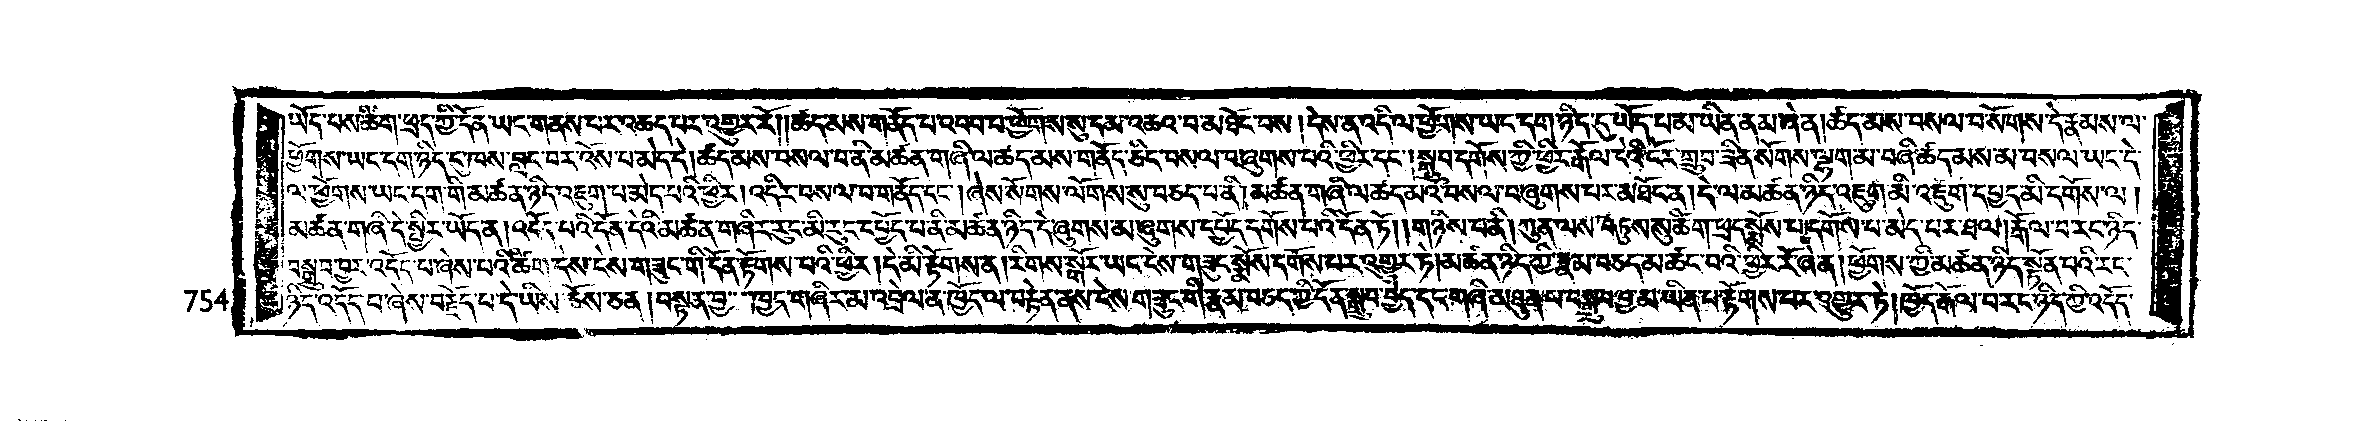ཡོད་པས་ཚིག་ཕྲད་ཀྱི་དོན་ཡང་གནས་པར་འཆད་པར་འགྱུར་རོ། །ཚད་མས་གནོད་པ་འབབ་པ་ཕྱོགས་སུ་དམ་འཆའ་བ་མཐོང་བས། དེས་ན་འདི་ལ་ཕྱོགས་ཡང་དག་ཉིད་དུ་ཡོད་པ་མ་ཡིན་ནམ་ཞེ་ན། ཚད་མས་བསལ་བ་སོགས་དེ་རྣམས་ལ་
ཕྱོགས་ཡང་དག་ཉིད་དུ་ཁས་བླང་བར་འོས་པ་མེད་དེ། ཚད་མས་བསལ་བ་ནི་མཚན་གཞི་ལ་ཚད་མས་གནོད་ཅིང་བསལ་བ་ཞུགས་པའི་ཕྱིར་དང་། སྒྲུབ་དགོས་ཀྱི་ཕྱིར་རྒོལ་དེའི་ངོར་གྲུབ་ཟིན་སོགས་ལྷག་མ་བཞི་ཚད་མས་མ་བསལ་ཡང་དེ་
ལ་ཕྱོགས་ཡང་དག་གི་མཚན་ཉིད་འཇུག་པ་མེད་པའི་ཕྱིར། འདིར་བསལ་བ་གནོད་དང་། ཞེས་སོགས་ལོགས་སུ་བཅད་པ་ནི། མཚན་གཞི་ལ་ཚད་མའི་བསལ་བ་ཞུགས་པར་མཐོང་ན། དེ་ལ་མཚན་ཉིད་འཇུག་མི་འཇུག་དཔྱད་མི་དགོས་ལ།
མཚན་གཞི་དེ་སྤྱིར་ཡོད་ན། འདོད་པའི་དོན་དེའི་མཚན་གཞིར་རུང་མི་རུང་དཔྱོད་པ་ནི་མཚན་ཉིད་དེ་ཞུགས་མ་ཞུགས་དཔྱོད་དགོས་པའི་དོན་ཏོ། །གཉིས་པ་ནི། ཀུན་ལས་བཏུས་སུ་ཚིག་ཕྲད་སྨོས་པ། དགོས་པ་མེད་པར་ཐལ། རྒོལ་བ་རང་ཉིད་
བསྒྲུབ་བྱར་འདོད་པ་ཞེས་པའི་ཚིག་དེས་ངེས་གཟུང་གི་དོན་རྟོགས་པའི་ཕྱིར། དེ་མི་རྟོགས་ན། རིགས་སྒོར་ཡང་ངེས་གཟུང་སྨོས་དགོས་པར་འགྱུར་ཏེ། མཚན་ཉིད་ཀྱི་རྣམ་བཅད་མ་ཚང་བའི་ཕྱིར་རོ་ཞེ་ན། ཕྱོགས་ཀྱི་མཚན་ཉིད་སྟོན་པའི་རང་
ཉིད་འདོད་པ་ཞེས་བརྗོད་པ་དེ་ཡིས་ཆོས་ཅན། བསྟན་བྱ་ཁྱད་གཞིར་མ་འབྲེལ་ན་ཁྱོད་ལ་བརྟེན་ནས་ངེས་གཟུང་གི་རྣམ་བཅད་ཀྱི་དོན་སྒྲུབ་བྱེད་དང་གཞི་མཐུན་པ་བསྒྲུབ་བྱ་མ་ཡིན་པ་རྟོགས་པར་འགྱུར་ཏེ། ཁྱོད་རྒོལ་བ་རང་ཉིད་ཀྱི་འདོད་